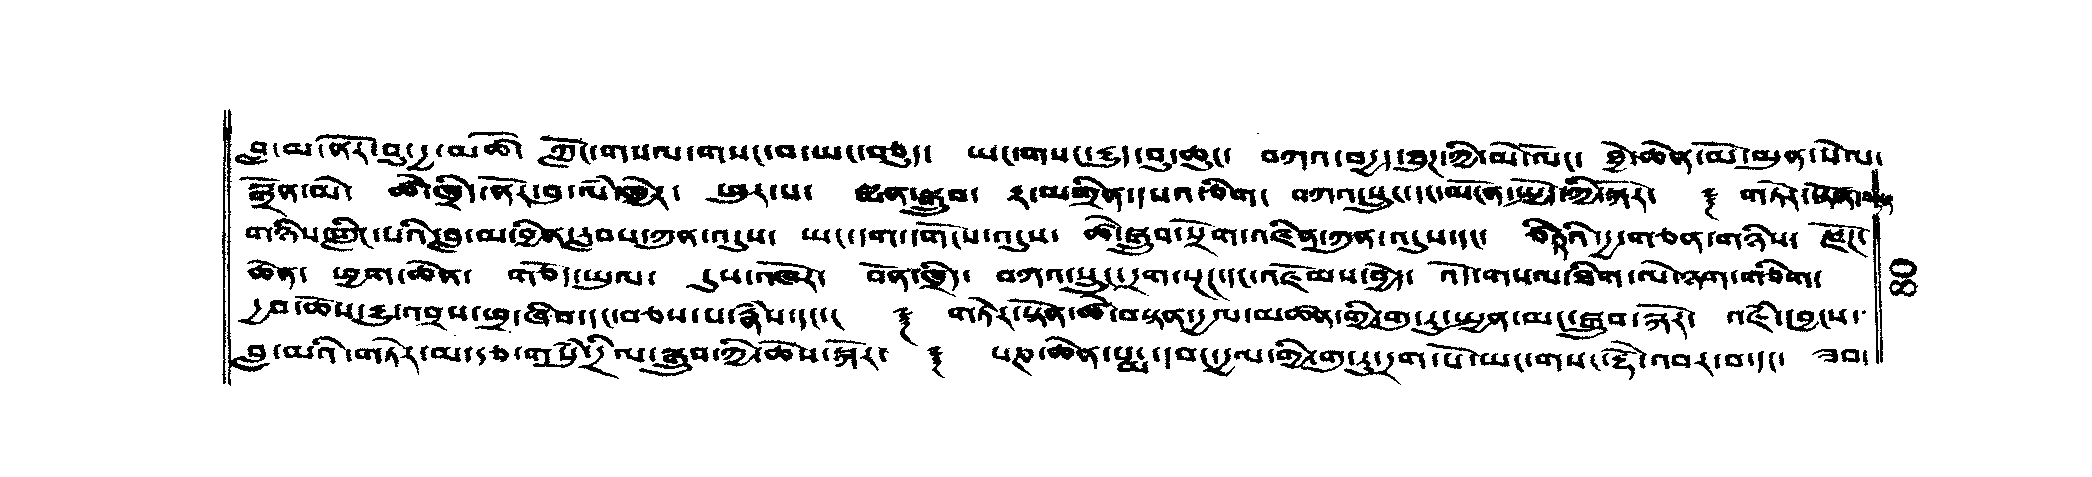བླ་མ་ནོར་བུ་རྒྱ་མཚོ། ཀློང་གསལ་གསང་བ་ཡང་བཅུད། ཡང་གསང་རྒྱུད་བུ་ཆུང་། བཀའ་བརྒྱད་ཐུགས་ཀྱི་མེ་ལོང་། ཐུགས་རྗེ་ཆེན་མོ་མུན་སེལ་
སྒྲོན་མེ། ཚེ་ཁྲིད་ནོར་བུ་ལམ་ཁྱེར། ཕུར་པ། སྨན་སྒྲུབ། རྟ་མགྲིན་དཔའ་གཅིག བཀའ་སྲུང་དང་མངོན་སྤྱོད་ཀྱི་སྐོར། ༈ གཏེར་སྟོན་བསྟན་
གཉིས་གླིང་པའི་བླ་མ་བྱིན་རླབས་ཀུན་འདུས། ཡང་དག་དགོངས་འདུས། ཚེ་སྒྲུབ་སྲོག་འཛིན་ཀུན་འདུས་དང་། ཙིཏྟའི་རྒྱ་ཅན་གཉིས། རྫོགས་
ཆེན། ཕྱག་ཆེན། གཅོད་ཡུལ། དུས་འཁོར། བོན་ཁྲིད། བཀའ་སྲུང་དྲག་སྔགས་དང་འཇོམས་བྱེད། འོད་གསལ་ཐིག་ལེ་ཉག་གཅིག 
རྒྱབ་ཆོས་རྒྱུ་འབྲས་ཕྲ་ཞིབ་དང་བཅས་པ་རྣམས་དང་། ༈ གཏེར་སྟོན་ཚེ་བསྟན་རྒྱལ་མཚན་གྱི་གུ་རུ་སྤྱན་མང་སྒྲུབ་སྐོར། འཇམ་དབྱངས་
བླ་མའི་གཏེར་མ་རྩ་གསུམ་དྲིལ་སྒྲུབ་ཀྱི་ཆོས་སྐོར། ༈ པཎ་ཆེན་པདྨ་དབང་རྒྱལ་གྱི་གུ་རུ་དྲག་པོ་ཡང་གསང་རྡོ་རྗེ་འབར་བ་དང་། ཟབ་